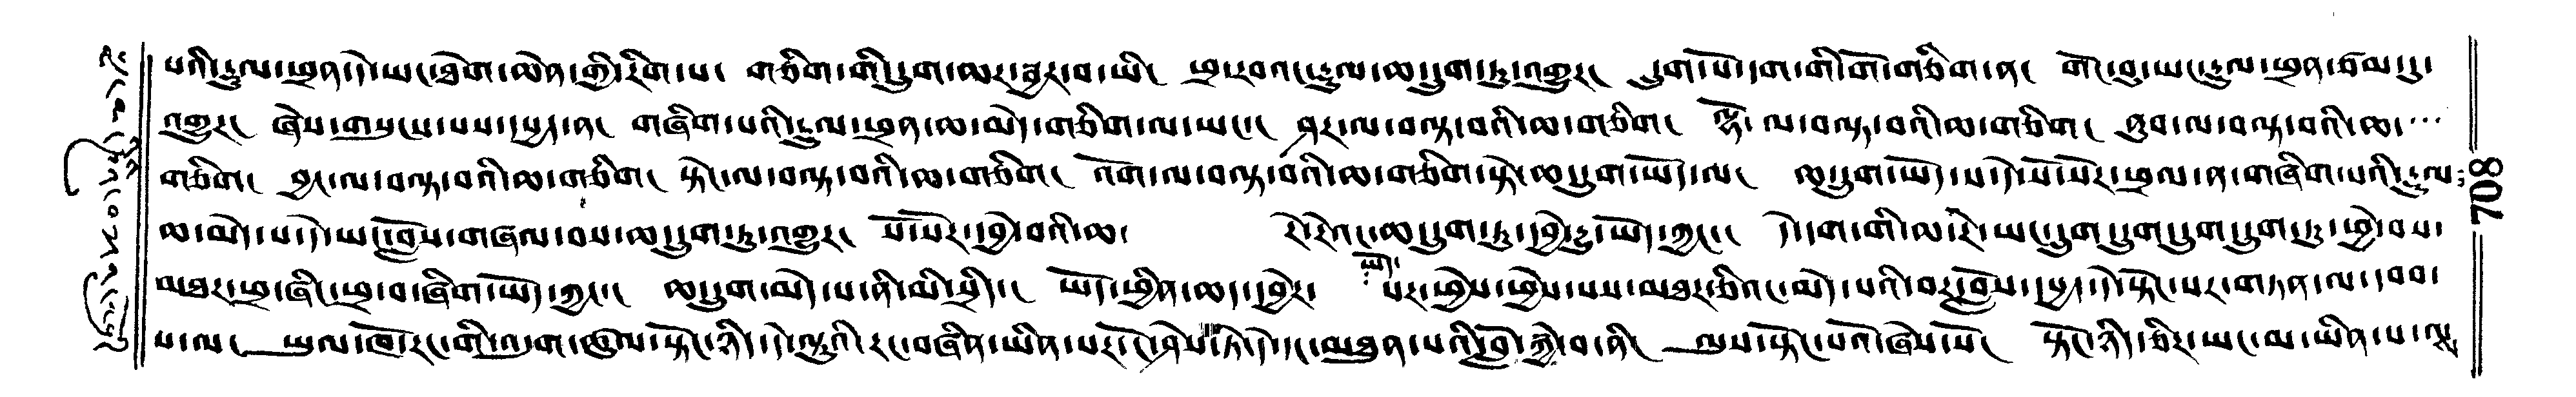པའི་རྡུལ་ཕྲན་དེ་ཡང་ཐེག་ཆེན་གྱི་རིགས་པ། གཅིག་གི་དྲུག་ཆར་སྦྱར་བ་ཡི། །ཕྲ་རབ་འང་རྡུལ་ཆ་དྲུག་ཏུ་འགྱུར། །དྲུག་པོ་དག་གི་གོ་གཅིག་ན། །གོང་བུ་ཡང་རྡུལ་ཕྲན་ཙམ་དུ་
འགྱུར། ཞེས་གསུངས་པས་དཔྱད་ན། གཞིག་པའི་རྡུལ་ཕྲན་ཆ་མེད་གཅིག་ལ་ཡང་། ཤར་ལ་བལྟ་བའི་ཆ་གཅིག ལྷོ་ལ་བལྟ་བའི་ཆ་གཅིག ནུབ་ལ་བལྟ་བའི་ཆ་
གཅིག བྱང་ལ་བལྟ་བའི་ཆ་གཅིག སྟེང་ལ་བལྟ་བའི་ཆ་གཅིག འོག་ལ་བལྟ་བའི་ཆ་གཅིག་སྟེ་ཆ་དྲུག་ཡོད་ལ། ཆ་དྲུག་ཡོད་པ་དེ་སོ་སོར་ཕྲལ་ན་གཞིག་པའི་རྡུལ་
ཆ་མེད་པ་དེ་ཡང་བློས་གཞལ་བས་ཆ་དྲུག་ཏུ་འགྱུར། སོ་སོར་དབྱེ་བའི་ཆ། རེ་རེའང་ཆ་དྲུག་ཏུ་དབྱེ་རྒྱུ་ཡོད་ཀྱང་། དེ་དག་གི་ཆ་རེ་ཡང་དྲུག་དྲུག་ཏུ་ཕྱེ་བས་
མཐར་ཕྲ་ཞིང་ཕྲ་བ་ཞིག་ཡོད་ཀྱང་། ཆ་དྲུག་མེད་པ་ནི་མི་སྲིད། ཡོད་ཕྱིན་ཆད་དབྱེར་ཡོད་པར་ཕྱེས་ཕྱེས་པས་མཐར་ཅིའང་མེད་པའི་བར་བློས་དཔྱད་དེ་སྟོང་པར་གཏན་ལ་དབབ་
པ་ལ། ཡུལ་ཁོ་རང་གི་འདུག་ཚུལ་སྟོང་ཉིད་དེ་ལྟ་བུའི་རང་བཞིན་ཡིན་པར་ངོ་ཤེས་ཏེ་དེ་དང་མཐུན་པའི་བློ་སྐྱེད་བ་ནི། ལུས་སྟོང་པའོ་ཞེས་སོ། སྟོང་ཉིད་ཅིར་ཡང་མ་ཡིན་པ་ལས་